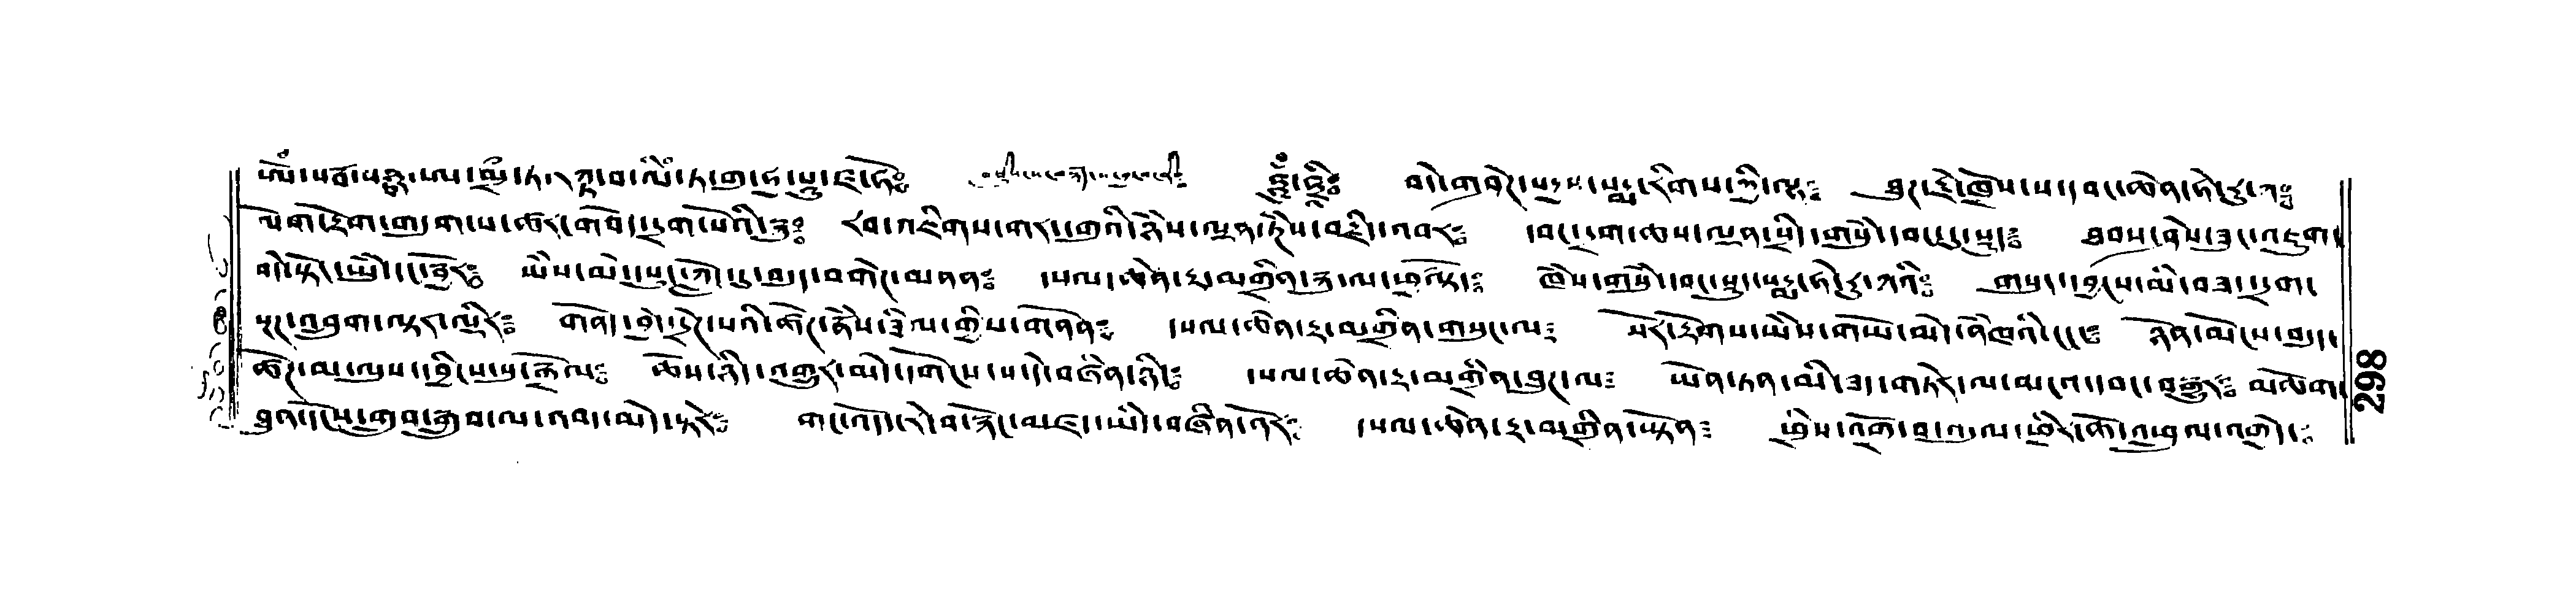ཨོཾ་སརྦ་པཉྩ་ཨ་མྲྀ་ཏ་རཀྟ་བ་ལིཾ་ཏ་གུ་ཧྱ་པཱུ་ཛ་ཧོཿ བཅུ་གཉིས་པ་བསྟོད་པ་བྱ་བ་ནི༔ ཧཱུྃ་ཧྲཱིཿ བདེ་གཤེགས་སངས་རྒྱས་པདྨ་རིགས་ཀྱི་ལྷ༔ ཐུགས་རྗེ་ཁྲོས་པ་དབང་ཆེན་ཧེ་རུ་ཀ༔ 
ལོག་རྟོག་གདུག་པ་ཚར་གཅོད་དྲག་པོའི་སྐུ༔ རབ་འཇིགས་གར་དགུའི་ཉམས་ལྡན་རྔམས་བརྗིད་འབར༔ དབང་དྲག་ཆས་ལྡན་སྲིད་གསུམ་དབང་དུ་སྡུད༔ ཐབས་ཤེས་ཟུང་འཇུག་
བདེ་སྟོང་ཡུམ་དང་སྦྱོར༔ ཡེ་ཤེས་མེ་དཔུང་ཀློང་དུ་བདུད་བགེགས་མནན༔ དཔལ་ཆེན་རྟ་མགྲིན་སྐུ་ལ་ཕྱག་འཚལ་བསྟོད༔ ཁམས་གསུམ་དབང་སྡུད་པདྨ་ཧེ་རུ་ཀའི༔ གསུང་དབྱངས་མི་བཟད་དྲག་
སྔགས་འབྲུག་ལྟར་ལྡིར༔ གནོད་བྱེད་དྲེགས་པའི་ཚོགས་རྣམས་ཟིལ་གྱིས་གནོན༔ དཔལ་ཆེན་རྟ་མགྲིན་གསུང་ལ༴ སོར་རྟོགས་ཡེ་ཤེས་གཡོ་མེད་ནམ་མཁའི་ངང༔ ཉོན་མོངས་བདུད་
ཚོགས་མ་ལུས་དབྱིངས་སུ་སྒྲོལ༔ ཆོས་ཉིད་འགྱུར་མེད་དགོངས་པ་དེ་བཞིན་ཉིད༔ དཔལ་ཆེན་རྟ་མགྲིན་ཐུགས་ལ༴ ཡོན་ཏན་མི་ཟད་གཏེར་ལ་མངའ་དབང་བསྒྱུར༔ མཆོག་
ཐུན་དངོས་གྲུབ་སྒྲུབ་ལ་འབད་མེད་སྟེར༔ གང་འདོད་རེ་བ་སྐོང་མཛད་ཡིད་བཞིན་ནོར༔ དཔལ་ཆེན་རྟ་མགྲིན་ཡོན་ཏན༴ ཕྲིན་ལས་འགྲོ་བ་འདུལ་ཕྱིར་ཆོ་འཕྲུལ་འགྱེད༔